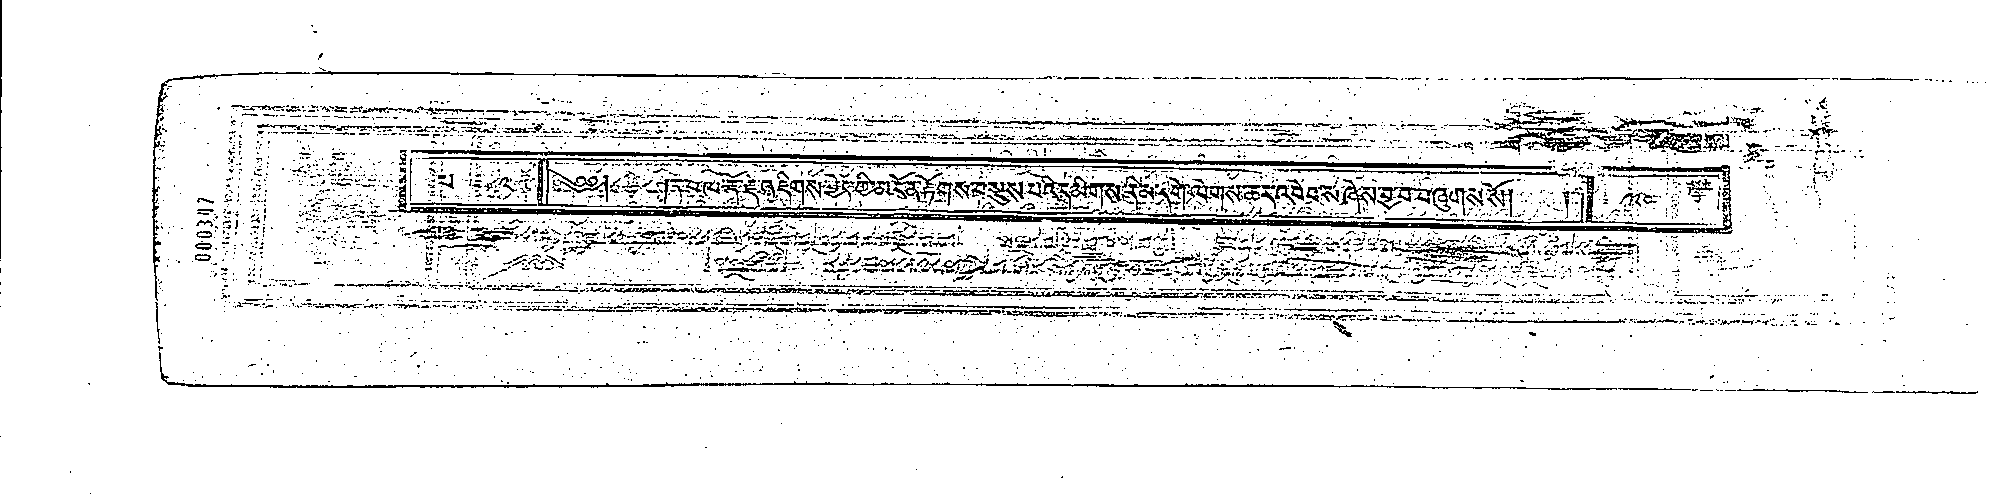ང ༡༣?
༄༅། །དཔལ་རྡོ་རྗེ་འཇིགས་བྱེད་ཀྱི་མངོན་རྟོགས་བསྡུས་པའི་དམིགས་རིམ་དགེ་ལེགས་ཆར་འབེབས་ཞེས་བྱ་བ་བཞུགས་སོ། །